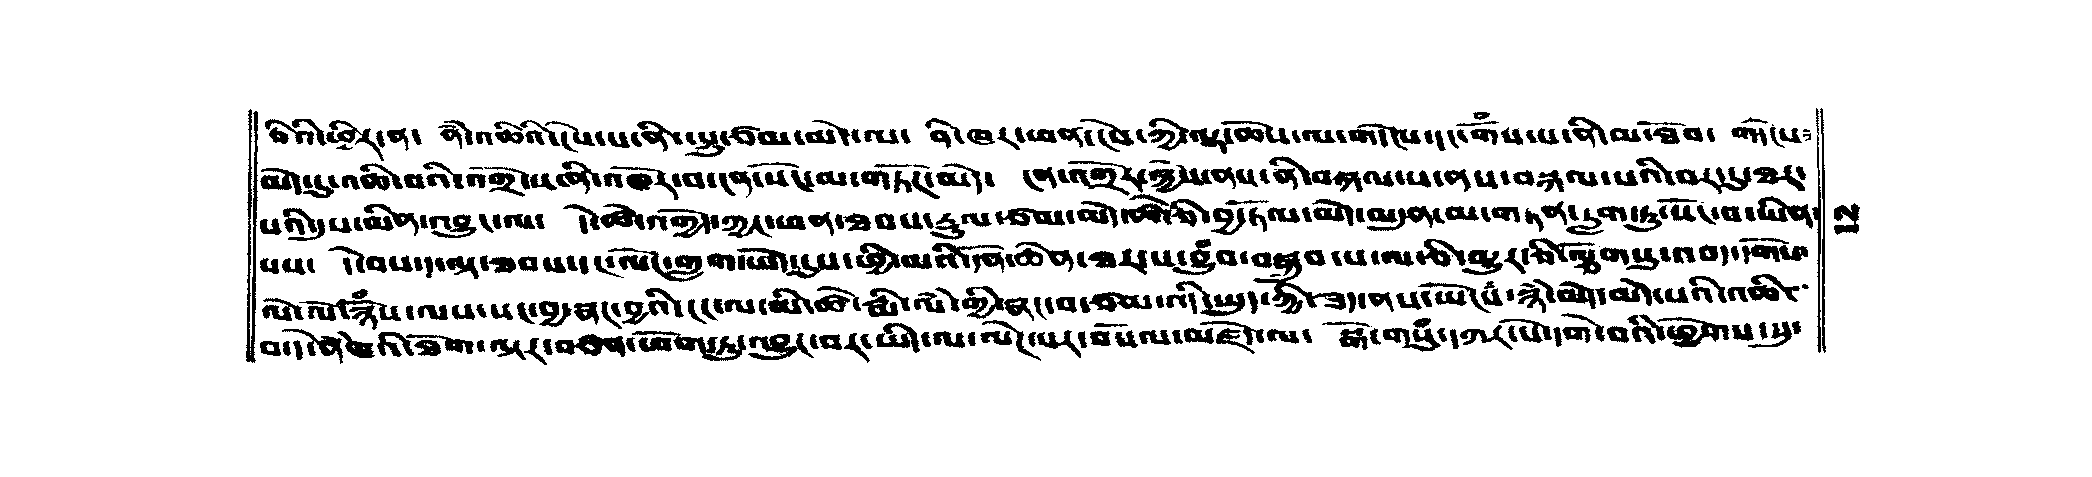ཅིའི་ཕྱིར་ན། ནམ་འཆིའི་ངེས་པ་ནི་སྤུ་ཙམ་མེད་ལ་ཤི་ཁར་ཕན་ངེས་ཀྱི་ལྷ་ཆོས་ལ་གོངས་དང་གོམས་པ་ནི་མ་ཐོབ། གདེངས་
མེད་དུ་འཆི་བའི་འགྲོ་པ་ནི་འཁོར་བ་དང་མ་གཏོགས་མེད། ངན་འགྲོར་སྐྱེས་ནས་ནི་བསྐལ་པ་ནས་བསྐལ་པའི་བར་དུ་ཐར་
པའི་དུས་མིན་འབྱུང་ལ། དེ་ཚེ་འགྱོད་ཀྱང་ཕན་ཐབས་རྡུལ་ཙམ་མེད་ཚེ་ཅི་བྱ་ཏོལ་མེད་མདུན་མ་གཏན་རླག་ཏུ་སོང་བ་ཡིན་
པས། དེ་བས་ད་ལྟ་ཐབས་དང་ལོང་གླག་ཡོད་དུས་ཕྱི་མའི་དོན་ཆེན་ཐར་པ་བྱང་ཆུབ་བསྒྲུབ་པ་ལ་ཅི་མྱུར་ཅི་ལྕོགས་སུ་འབད་དགོས། 
ལེ་ལོ་སྙོམས་ལས་སང་བྱ་སྣང་བྱའི་ངང་ལ་མི་ཚེ་རྨི་ལམ་གྱི་སྣང་བ་ཙམ་འདི་ཡུད་ཀྱི་ཟད་ནས་ཡོང་སྙམ་མེད་མེད་པའི་འཆི་
བ་དེ་ནམ་མཁའི་ཐོག་ལྟར་བཙན་ཕོག་ཏུ་འབྱུང་བར་ཡིད་ལ་ལེགས་པར་བསོལ་མཛོད་ལ། སྒོ་གསུམ་དཀར་པོ་དགེ་བའི་ཕྱོགས་སུ་